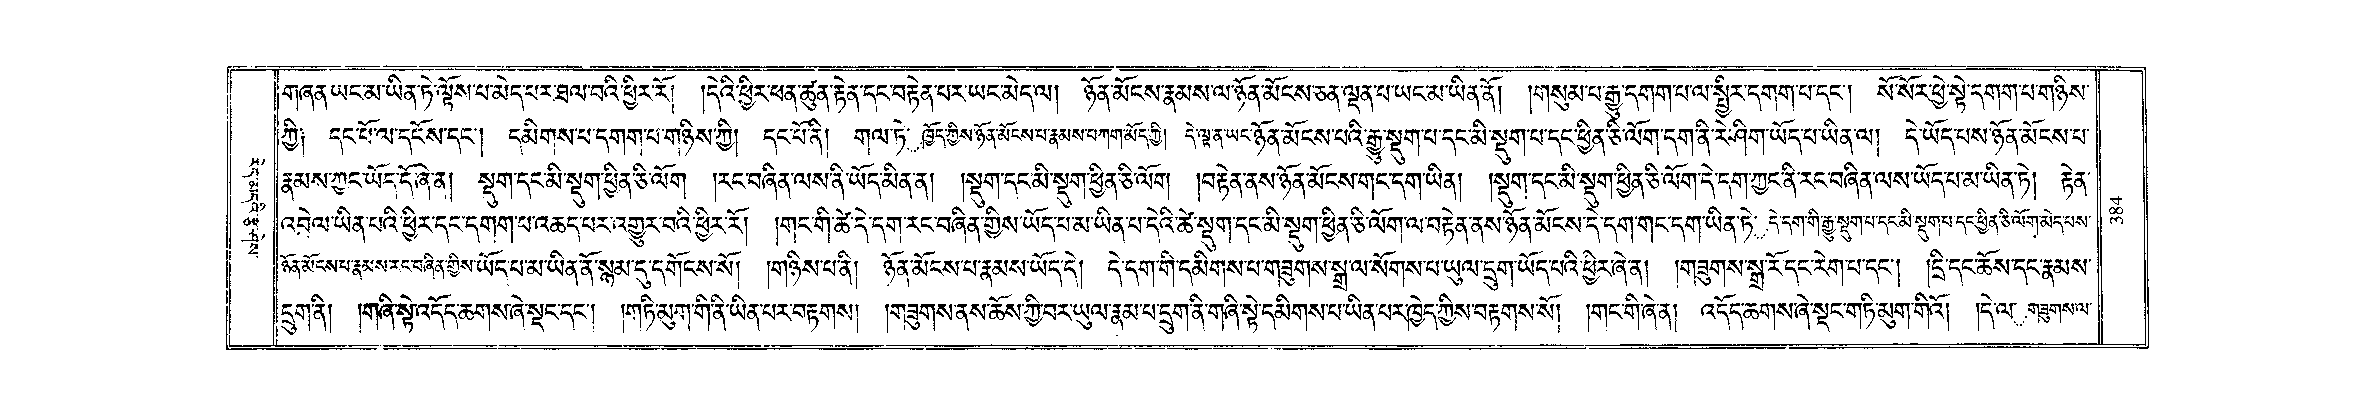གཞན་ཡང་མ་ཡིན་ཏེ་ལྟོས་པ་མེད་པར་ཐལ་བའི་ཕྱིར་རོ། །དེའི་ཕྱིར་ཕན་ཚུན་རྟེན་དང་བརྟེན་པར་ཡང་མེད་ལ། ཉོན་མོངས་རྣམས་ལ་ཉོན་མོངས་ཅན་ལྡན་པ་ཡང་མ་ཡིན་ནོ། །གསུམ་པ་རྒྱུ་དགག་པ་ལ་སྤྱིར་དགག་པ་དང་། སོ་སོར་ཕྱེ་སྟེ་དགག་པ་གཉིས་
ཀྱི༑ དང་པོ་ལ་དངོས་དང་། དམིགས་པ་དགག་པ་གཉིས་ཀྱི། དང་པོ་ནི། གལ་ཏེ་ཁྱོད་ཀྱིས་ཉོན་མོངས་པ་རྣམས་བཀག་མོད་ཀྱི། དེ་ལྟ་ན་ཡང་ཉོན་མོངས་པའི་རྒྱུ་སྡུག་པ་དང་མི་སྡུག་པ་དང་ཕྱིན་ཅི་ལོག་དག་ནི་རེ་ཤིག་ཡོད་པ་ཡིན་ལ། དེ་ཡོད་པས་ཉོན་མོངས་པ་
རྣམས་ཀྱང་ཡོད་དོ་ཞེ་ན། སྡུག་དང་མི་སྡུག་ཕྱིན་ཅི་ལོག །རང་བཞིན་ལས་ནི་ཡོད་མིན་ན། །སྡུག་དང་མི་སྡུག་ཕྱིན་ཅི་ལོག །བརྟེན་ནས་ཉོན་མོངས་གང་དག་ཡིན། །སྡུག་དང་མི་སྡུག་ཕྱིན་ཅི་ལོག་དེ་དག་ཀྱང་ནི་རང་བཞིན་ལས་ཡོད་པ་མ་ཡིན་ཏེ། རྟེན་
འབྲེལ་ཡིན་པའི་ཕྱིར་དང་དགག་པ་འཆད་པར་འགྱུར་བའི་ཕྱིར་རོ། །གང་གི་ཚེ་དེ་དག་རང་བཞིན་གྱིས་ཡོད་པ་མ་ཡིན་པ་དེའི་ཚེ་སྡུག་དང་མི་སྡུག་ཕྱིན་ཅི་ལོག་ལ་བརྟེན་ནས་ཉོན་མོངས་དེ་དག་གང་དག་ཡིན་ཏེ་དེ་དག་གི་རྒྱུ་སྡུག་པ་དང་མི་སྡུག་པ་དང་ཕྱིན་ཅི་ལོག་མེད་པས་
ཉོན་མོངས་པ་རྣམས་རང་བཞིན་གྱིས་ཡོད་པ་མ་ཡིན་ནོ་སྙམ་དུ་དགོངས་སོ། །གཉིས་པ་ནི། ཉོན་མོངས་པ་རྣམས་ཡོད་དེ། དེ་དག་གི་དམིགས་པ་གཟུགས་སྒྲ་ལ་སོགས་པ་ཡུལ་དྲུག་ཡོད་པའི་ཕྱིར་ཞེ་ན། །གཟུགས་སྒྲ་རོ་དང་རེག་པ་དང་། །དྲི་དང་ཆོས་དང་རྣམས་
དྲུག་ནི། །གཞི་སྟེ་འདོད་ཆགས་ཞེ་སྡང་དང་། །གཏི་མུག་གི་ནི་ཡིན་པར་བརྟགས། །གཟུགས་ནས་ཆོས་ཀྱི་བར་ཡུལ་རྣམ་པ་དྲུག་ནི་གཞི་སྟེ་དམིགས་པ་ཡིན་པར་ཁྱེད་ཀྱིས་བརྟགས་སོ། །གང་གི་ཞེ་ན། འདོད་ཆགས་ཞེ་སྡང་གཏི་མུག་གིའོ། །དེ་ལ་གཟུགས་ལ་